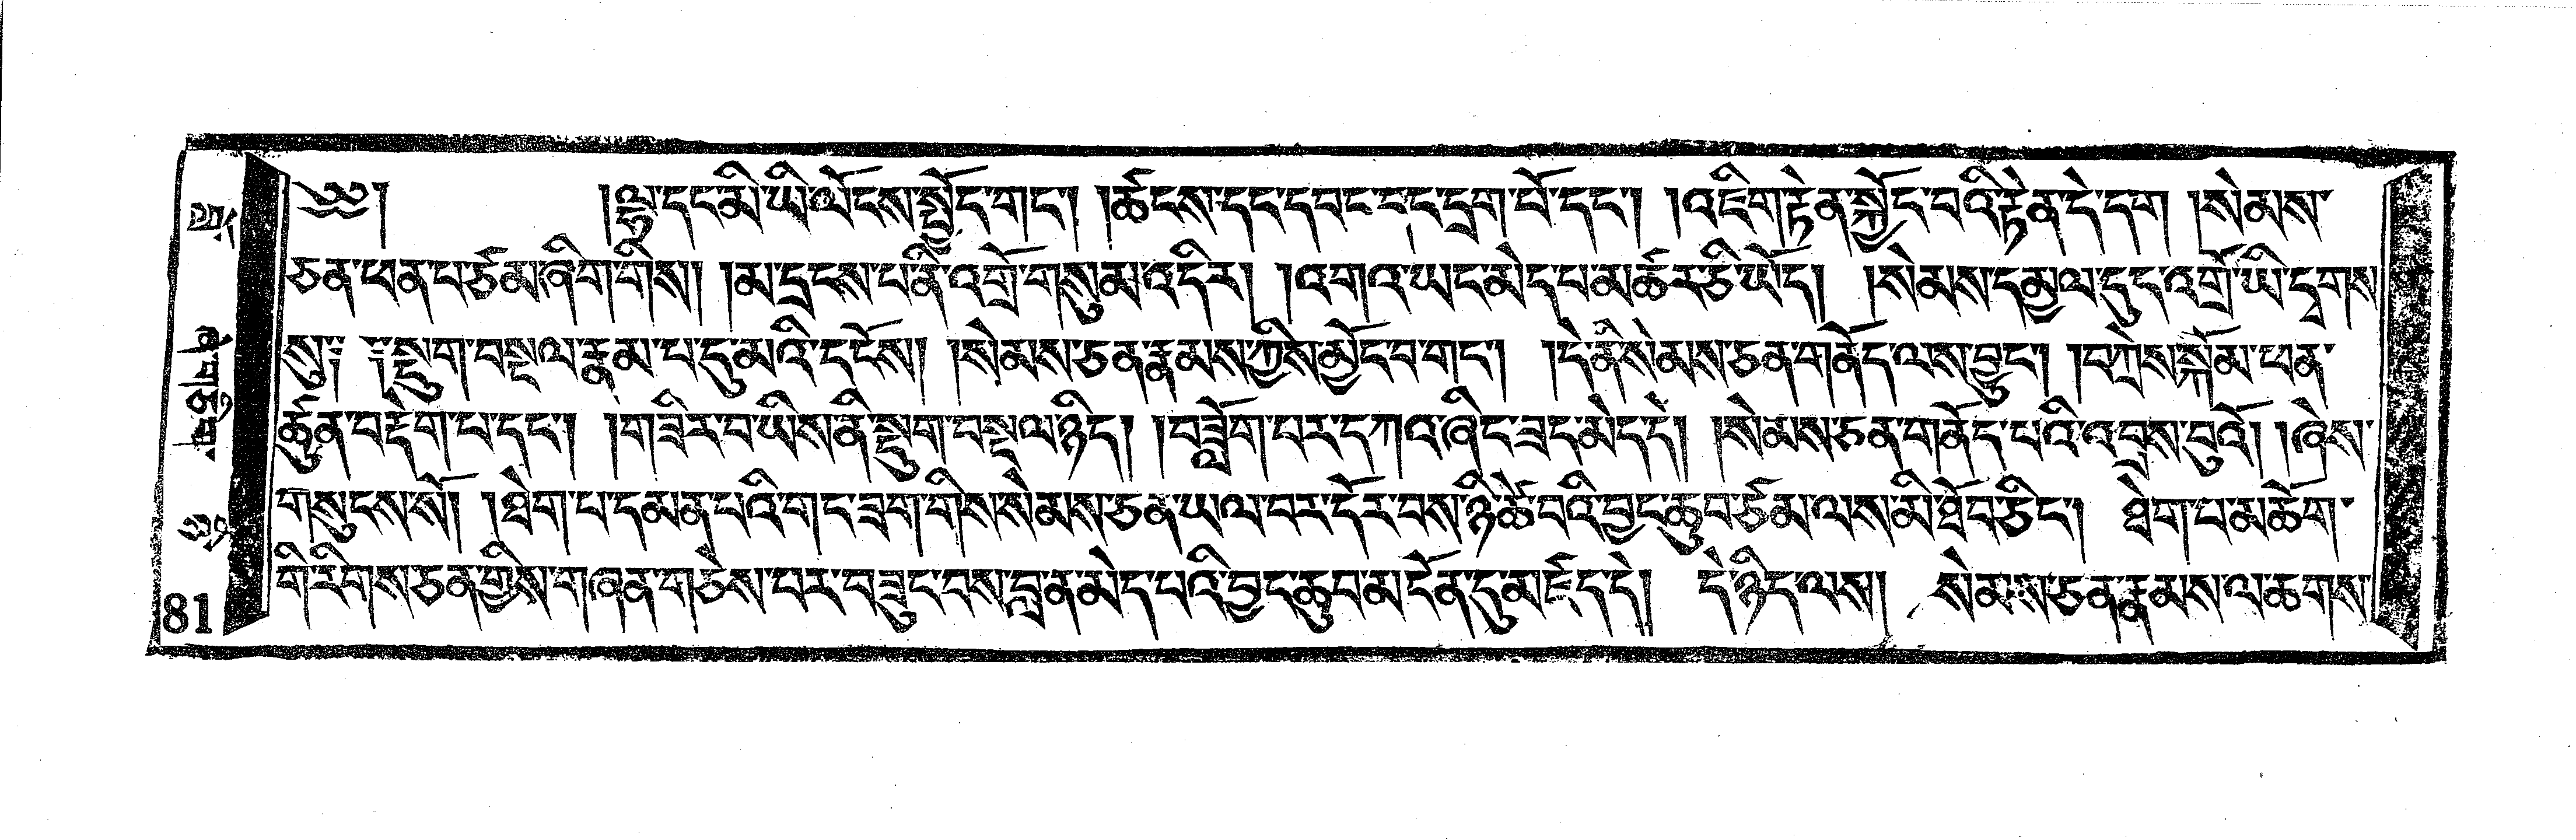༄༅། །ལྷ་དང་མི་ཡི་ལོངས་སྤྱོད་གང་། །ཚངས་དང་དབང་དང་དྲག་པོ་དང་། །འཇིག་རྟེན་སྐྱོང་བའི་རྟེན་དེ་དག །སེམས་
ཅན་ཕན་པ་ཙམ་ཞིག་གིས། །མ་དྲངས་པ་ནི་འགྲོ་གསུམ་འདིར། །འགའ་ཡང་མེད་པ་མཚར་ཅི་ཡོད། །སེམས་དམྱལ་དུད་འགྲོ་ཡི་དྭགས་
སུ༑ ༑སྡུག་བསྔལ་རྣམ་པ་དུ་མའི་དངོས། །སེམས་ཅན་རྣམས་ཀྱིས་མྱོང་བ་གང་། །དེ་ནི་སེམས་ཅན་གནོད་ལས་བྱུང་། །བཀྲེས་སྐོམ་ཕན་
ཚུན་བརྡེག་པ་དང་། །གཟིར་བ་ཡིས་ནི་སྡུག་བསྔལ་ཉིད། །བཟློག་པར་དཀའ་ཞིང་ཟད་མེད་དེ། །སེམས་ཅན་གནོད་པའི་འབྲས་བུའོ། །ཞེས་
གསུངས་སོ། །ཐེག་པ་དམན་པའི་གང་ཟག་གིས་སེམས་ཅན་ཡལ་བར་དོར་བས་ཉི་ཚེ་བའི་བྱང་ཆུབ་ཙམ་ལས་མི་ཐོབ་ཅིང་། ཐེག་པ་མཆོག་
གི་རིགས་ཅན་གྱིས་གཞན་གཅེས་པར་བཟུང་བས་བླ་ན་མེད་པའི་བྱང་ཆུབ་མངོན་དུ་མཛད་དེ། དེ་ཉིད་ལས། སེམས་ཅན་རྣམས་ལ་ཆགས་